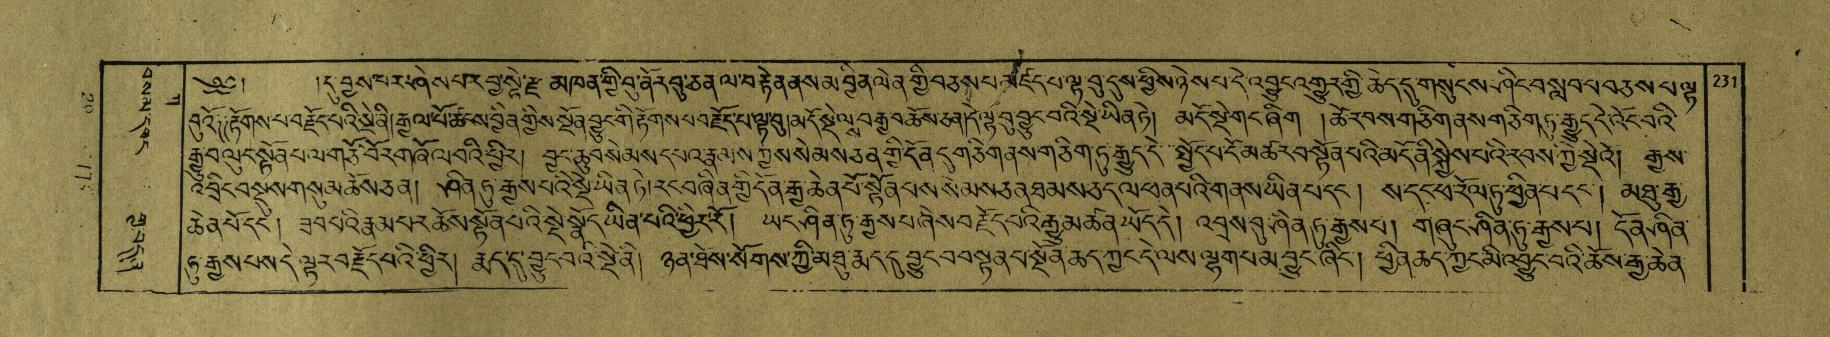༄༅། །དུ་བྱས་པར་ཤེས་པར་བྱ་སྟེ་རྫ་མཁན་གྱི་བུ་ནོར་བུ་ཅན་ལ་བརྟེན་ནས་མ་བྱིན་ལེན་གྱི་བཅས་པ་མཛད་པ་ལྟ་བུ་དུས་ཕྱིས་ཉེས་པ་དེ་འབྱུང་འགྱུར་གྱི་ཆེད་དུ་གསུངས་ཤིང་བསླབ་པ་བཅས་པ་ལྟ་
བུའོ༑ ༑རྟོགས་པ་བརྗོད་པའི་སྡེ་ནི། རྒྱལ་པོ་ཚངས་བྱིན་གྱིས་སྔོན་བྱུང་གི་རྟོགས་པ་བརྗོད་པ་ལྟ་བུ། མདོ་སྡེ་ལས་བརྒྱ་བ་ཆོས་ཅན། དེ་ལྟ་བུ་བྱུང་བའི་སྡེ་ཡིན་ཏེ། མདོ་སྡེ་གང་ཞིག །ཚེ་རབས་གཅིག་ནས་གཅིག་ཏུ་རྒྱུད་དེ་འོང་བའི་
རྒྱུ་བ་ལུང་སྟོན་པ་ལ་གཙོ་བོར་གཞོལ་བའི་ཕྱིར། བྱང་ཆུབ་སེམས་དཔའ་རྣམས་ཀྱིས་སེམས་ཅན་གྱི་དོན་དུ་གཅིག་ནས་གཅིག་ཏུ་རྒྱུད་དེ་སྤྱོད་པ་ངོ་མཚར་བ་སྟོན་པའི་མདོ་ནི་སྐྱེས་པའི་རབས་ཀྱི་སྡེའོ། རྒྱས་
འབྲིང་བསྡུས་གསུམ་ཆོས་ཅན། ཤིན་ཏུ་རྒྱས་པའི་སྡེ་ཡིན་ཏེ། རང་བཞིན་གྱི་དོན་རྒྱ་ཆེན་པོ་སྟོན་པས་སེམས་ཅན་ཐམས་ཅད་ལ་ཕན་པའི་གནས་ཡིན་པ་དང་། ས་དང་ཕ་རོལ་ཏུ་ཕྱིན་པ་དང་། མཐུ་རྒྱ་
ཆེན་པོ་དང་། ཟབ་པའི་རྣམ་པར་ཆོས་སྟོན་པའི་སྡེ་སྣོད་ཡིན་པའི་ཕྱིར་རོ། ཡང་ཤིན་ཏུ་རྒྱས་པ་ཞེས་བརྗོད་པའི་རྒྱུ་མཚན་ཡོད་དེ། འབྲས་བུ་ཤིན་ཏུ་རྒྱས་པ། གཞུང་ཤིན་ཏུ་རྒྱས་པ། དོན་ཤིན་
ཏུ་རྒྱས་པས་དེ་ལྟར་བརྗོད་པའི་ཕྱིར། རྨད་དུ་བྱུང་བའི་སྡེ་ནི། ཉན་ཐོས་སོགས་ཀྱི་མཐུ་རྨད་དུ་བྱུང་བ་བསྟན་པ་སྔོན་ཆད་ཀྱང་དེ་ལས་ལྷག་པ་མ་བྱུང་ཞིང་། ཕྱིན་ཆད་ཀྱང་མི་འབྱུང་བའི་ཆོས་རྒྱ་ཆེན་